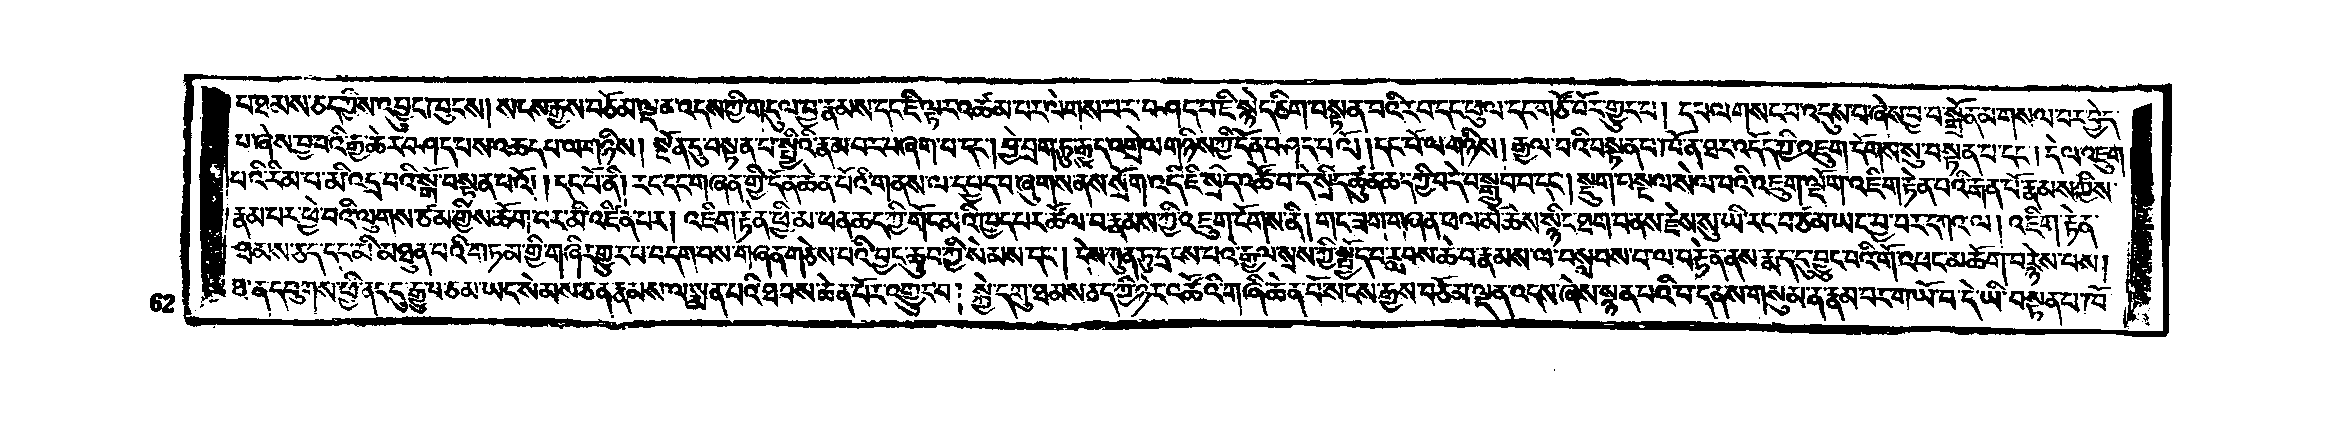པ་ཐམས་ཅད་ཀྱིས་འབྱུང་ཁུངས། སངས་རྒྱས་བཅོམ་ལྡན་འདས་ཀྱི་གདུལ་བྱ་རྣམས་དང་ཇི་ལྟར་འཚམ་པར་ལེགས་པར་བཤད་པ་ཇི་སྙེད་ཅིག་བསྟན་པའི་རབ་དང་ཕུལ་དང་གཙོ་བོར་གྱུར་པ། དཔལ་གསང་བ་འདུས་པ་ཞེས་བྱ་བ་སྒྲོན་མ་གསལ་བར་བྱེད་
པ་ཞེས་བྱ་བའི་རྒྱ་ཆེར་བཤད་པས་འཆད་པ་ལ་གཉིས། སྔོན་དུ་བསྟན་པ་སྤྱིའི་རྣམ་པར་བཞག་པ་དང་། བྱེ་བྲག་ཏུ་རྒྱུད་འགྲེལ་གཉིས་ཀྱི་དོན་བཤད་པའོ། །དང་པོ་ལ་གཉིས། རྒྱལ་བའི་བསྟན་པ་ཁོ་ན་ཐར་འདོད་ཀྱི་འཇུག་དོགས་སུ་བསྟན་པ་དང་། དེ་ལ་འཇུག་
པའི་རིམ་པ་མི་འདྲ་བའི་སྒོ་བསྟན་པའོ། །དང་པོ་ནི། རང་དང་གཞན་གྱི་དོན་ཆེན་པོའི་གནས་ལ་དཔྱད་པ་ཞུགས་ནས་སྲོག་འདི་ཇི་སྲིད་འཚོ་བ་དེ་སྲིད་ཚུན་ཆད་ཀྱི་བདེ་བ་སྒྲུབ་པ་དང་། སྡུག་བསྔལ་སེལ་བའི་འཇུག་ལྡོག་འཇིག་རྟེན་པའི་རྒན་པོ་རྣམས་ཀྱིས་
རྣམ་པར་ཕྱེ་བའི་ལུགས་ཙམ་གྱིས་ཆོག་པར་མི་འཛིན་པར། འཇིག་རྟེན་ཕྱི་མ་ཕན་ཆད་ཀྱི་གོང་མའི་ཁྱད་པར་ཚོལ་བ་རྣམས་ཀྱི་འཇུག་ངོགས་ནི། གང་ཟག་གཞན་ཕལ་མོ་ཆེས་སྙིང་ཐག་པ་ནས་རྗེས་སུ་ཡི་རང་བ་ཙམ་ཡང་བྱ་བར་དཀའ་ལ། འཇིག་རྟེན་
ཐམས་ཅད་དང་མི་མཐུན་པའི་གཏམ་གྱི་གཞིར་གྱུར་པ་བདག་པས་གཞན་གཅེས་པའི་བྱང་ཆུབ་ཀྱི་སེམས་དང་། དེས་ཀུན་ཏུ་དྲངས་པའི་རྒྱལ་སྲས་ཀྱི་སྤྱོད་པ་རླབས་ཆེ་བ་རྣམས་ལ་བསླབས་པ་ལ་བརྟེན་ནས་རྨད་དུ་བྱུང་བའི་གོ་འཕང་མཆོག་བརྙེས་པས།
ཐ་ན་དབུགས་ཕྱི་ནང་དུ་རྒྱུ་བ་ཙམ་ཡང་སེམས་ཅན་རྣམས་ལ་སྨན་པའི་ཐབས་ཆེན་པོར་འགྱུར་བ། སྐྱེ་དགུ་ཐམས་ཅད་ཀྱི་ཉེར་འཚོའི་གཞི་ཆེན་པོ་སངས་རྒྱས་བཅོམ་ལྡན་འདས་ཞེས་སྙན་པའི་བ་དན་ས་གསུམ་ན་རྣམ་པར་གཡོ་བ་དེ་ཡི་བསྟན་པ་ཁོ་